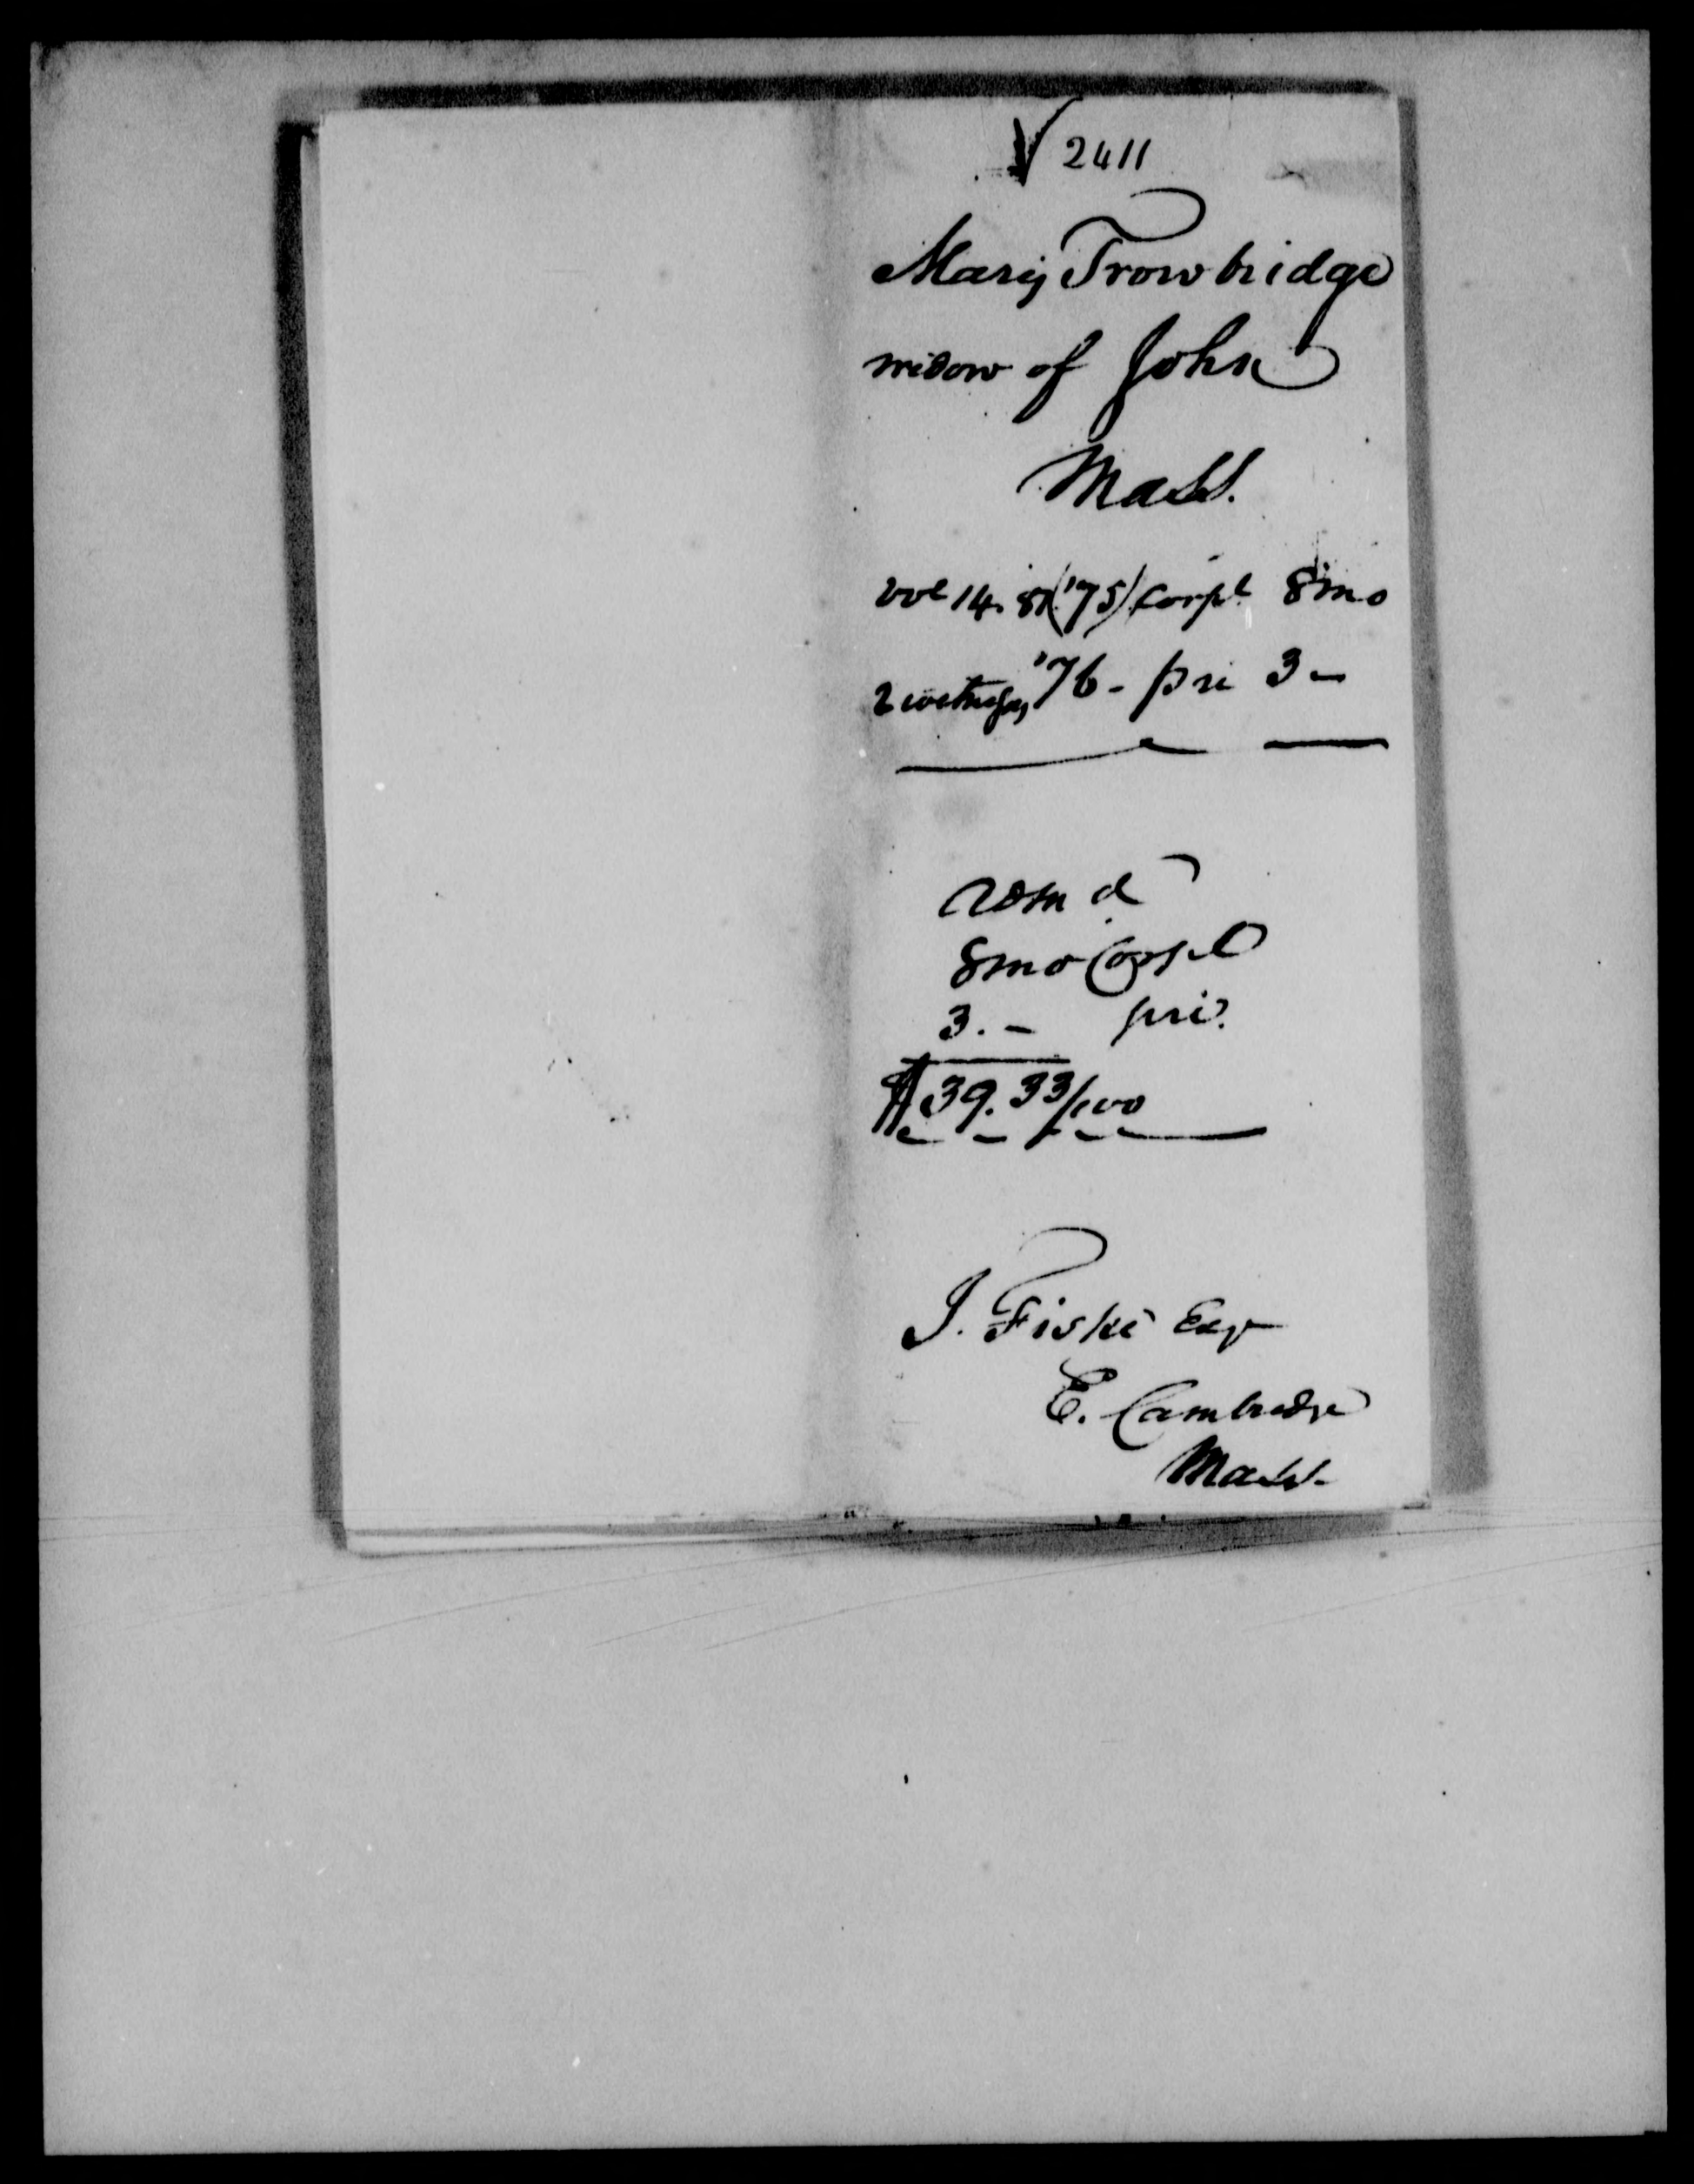V 2411
Mary Trowbridge
widow of John
Mass.
Vol 14. 87 ('75) Corpl 8 mo
2 witness '76 - Pri 3 -
--
romd
8 mo Corpl
3. - pri.

$39. 33/100

J. Fiske Esq
E. Cambridge
Mass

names: John Trowbridge, I Fiske, Mary Trowbridge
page: 3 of 34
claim: widow's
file: W. 15439, John Trowbridge, Mass.